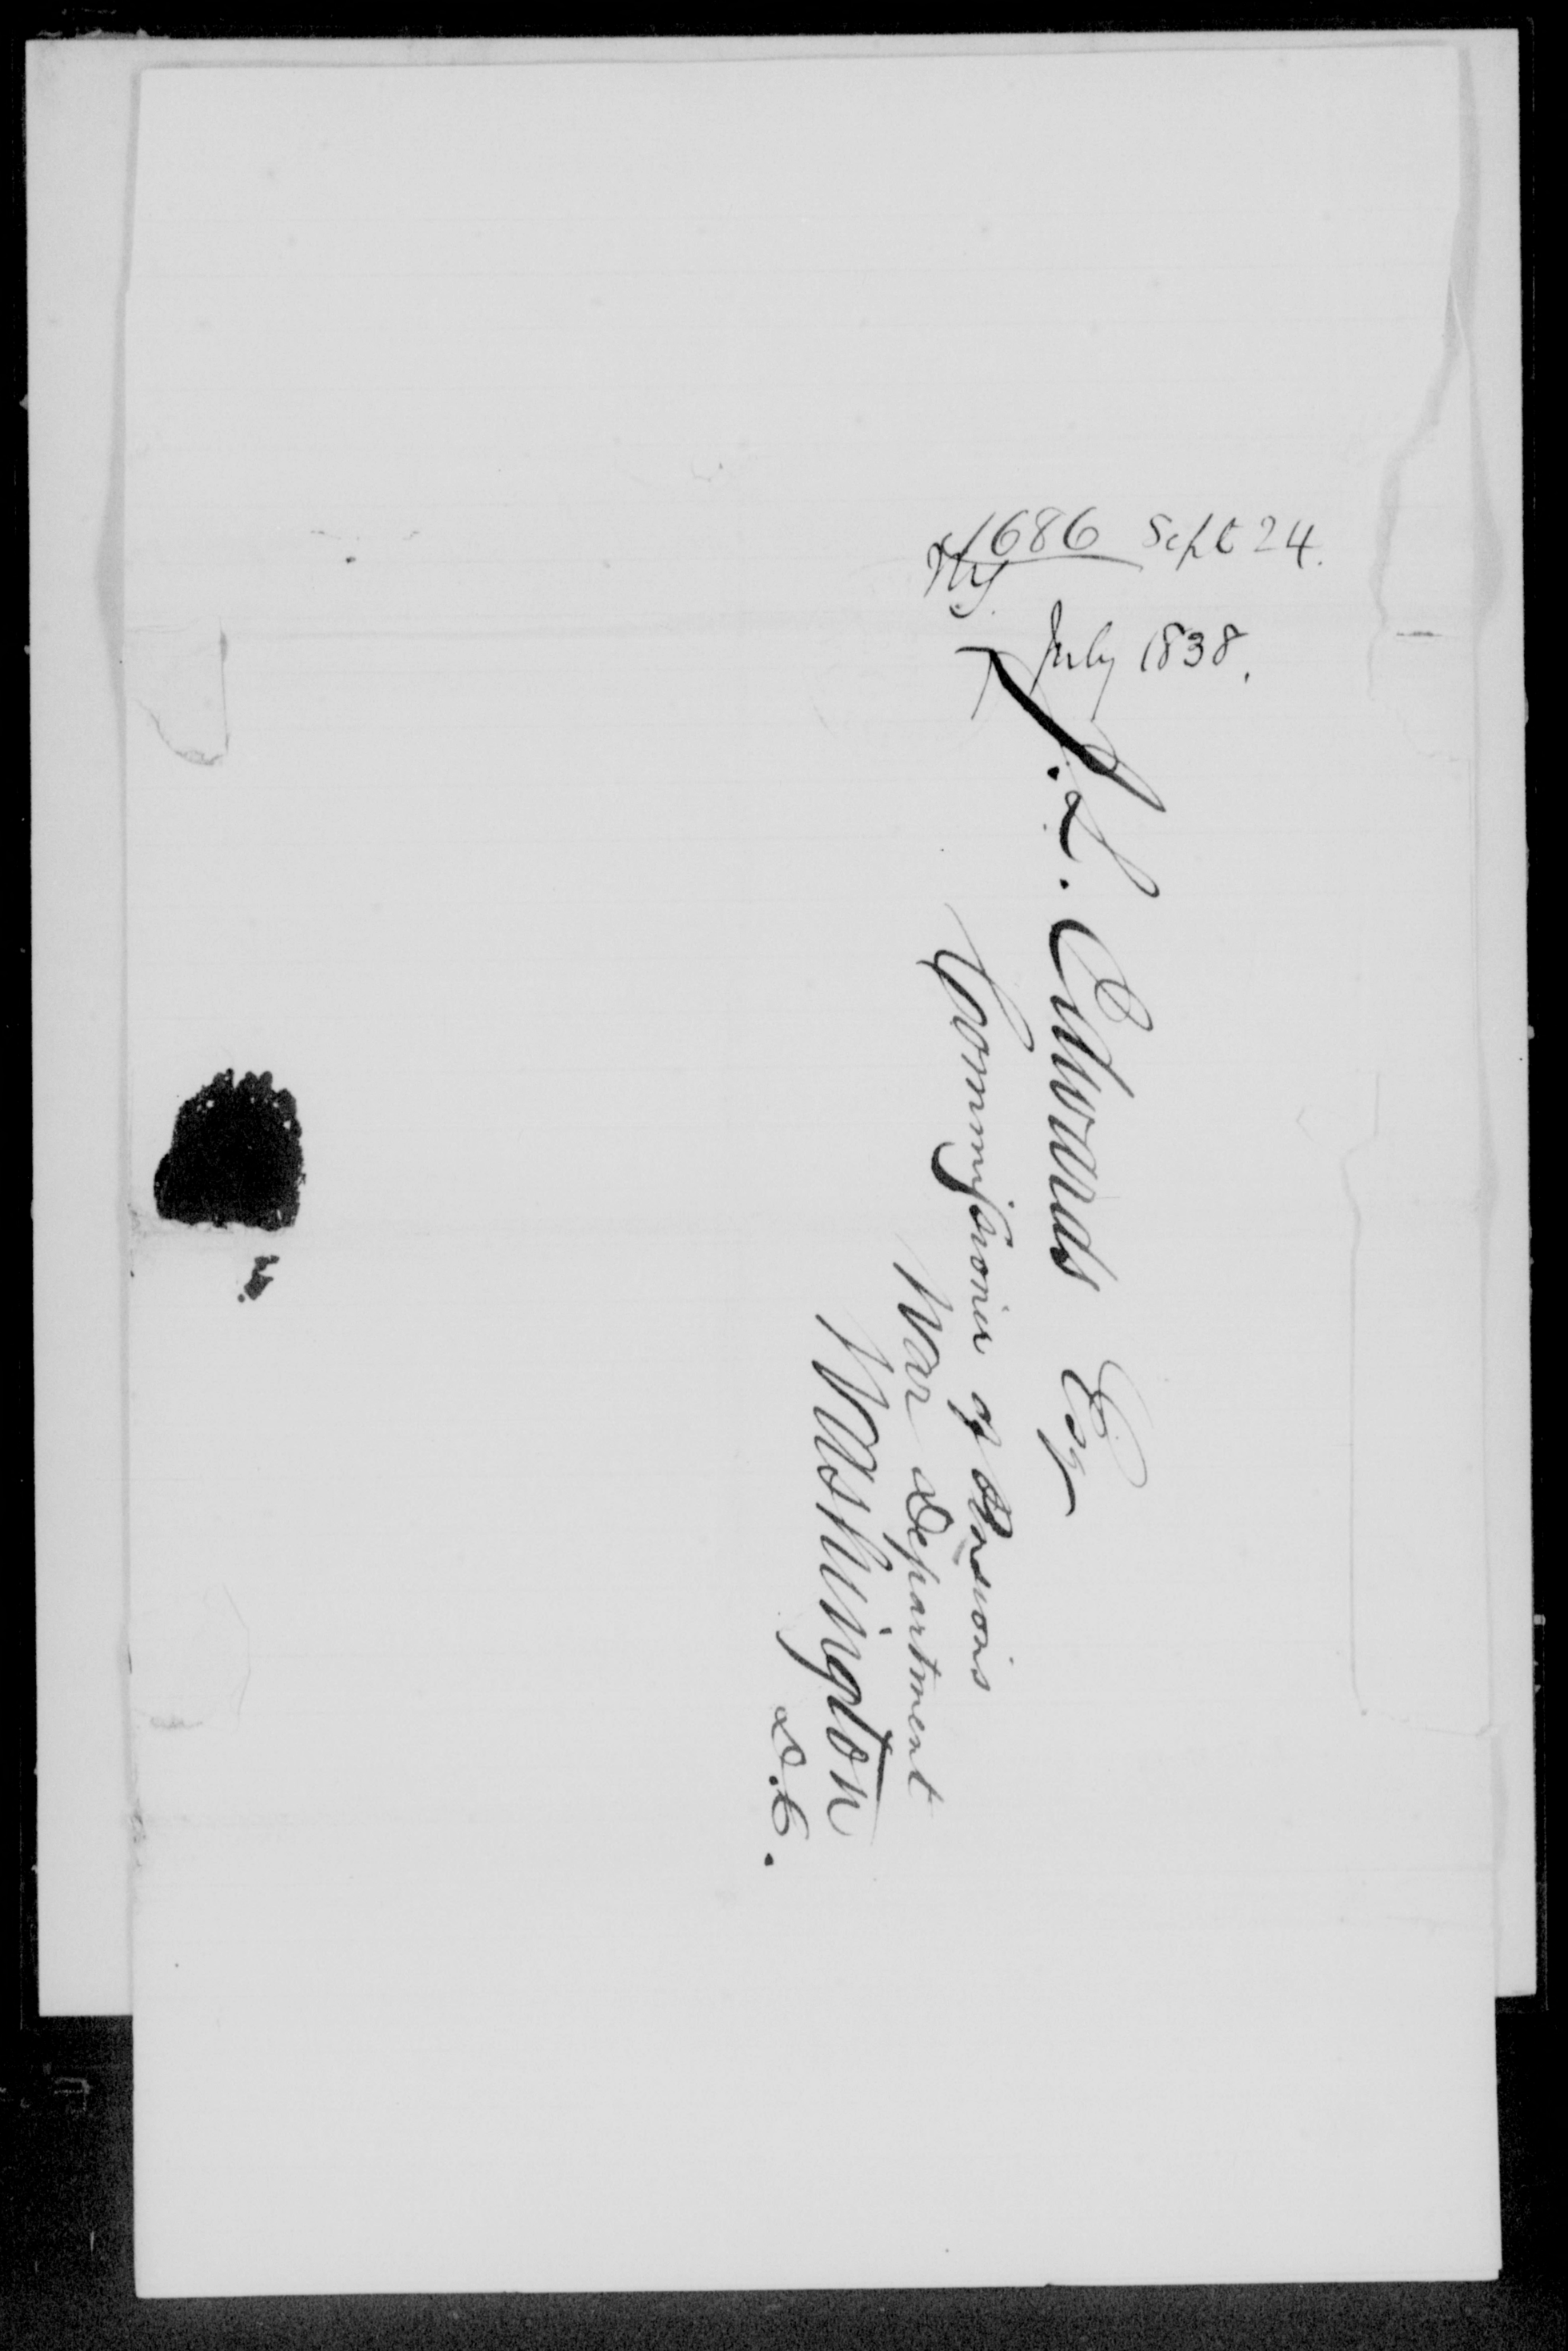J686 Sept 24
NY
July 1838,
J.L. Edwards Esq
Commissioner of Pensions
War Department
Washington DC.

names: J L Edwards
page: 32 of 38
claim: widow's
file: W. 23324, Rudolphus Van Hoevenbergh, New York